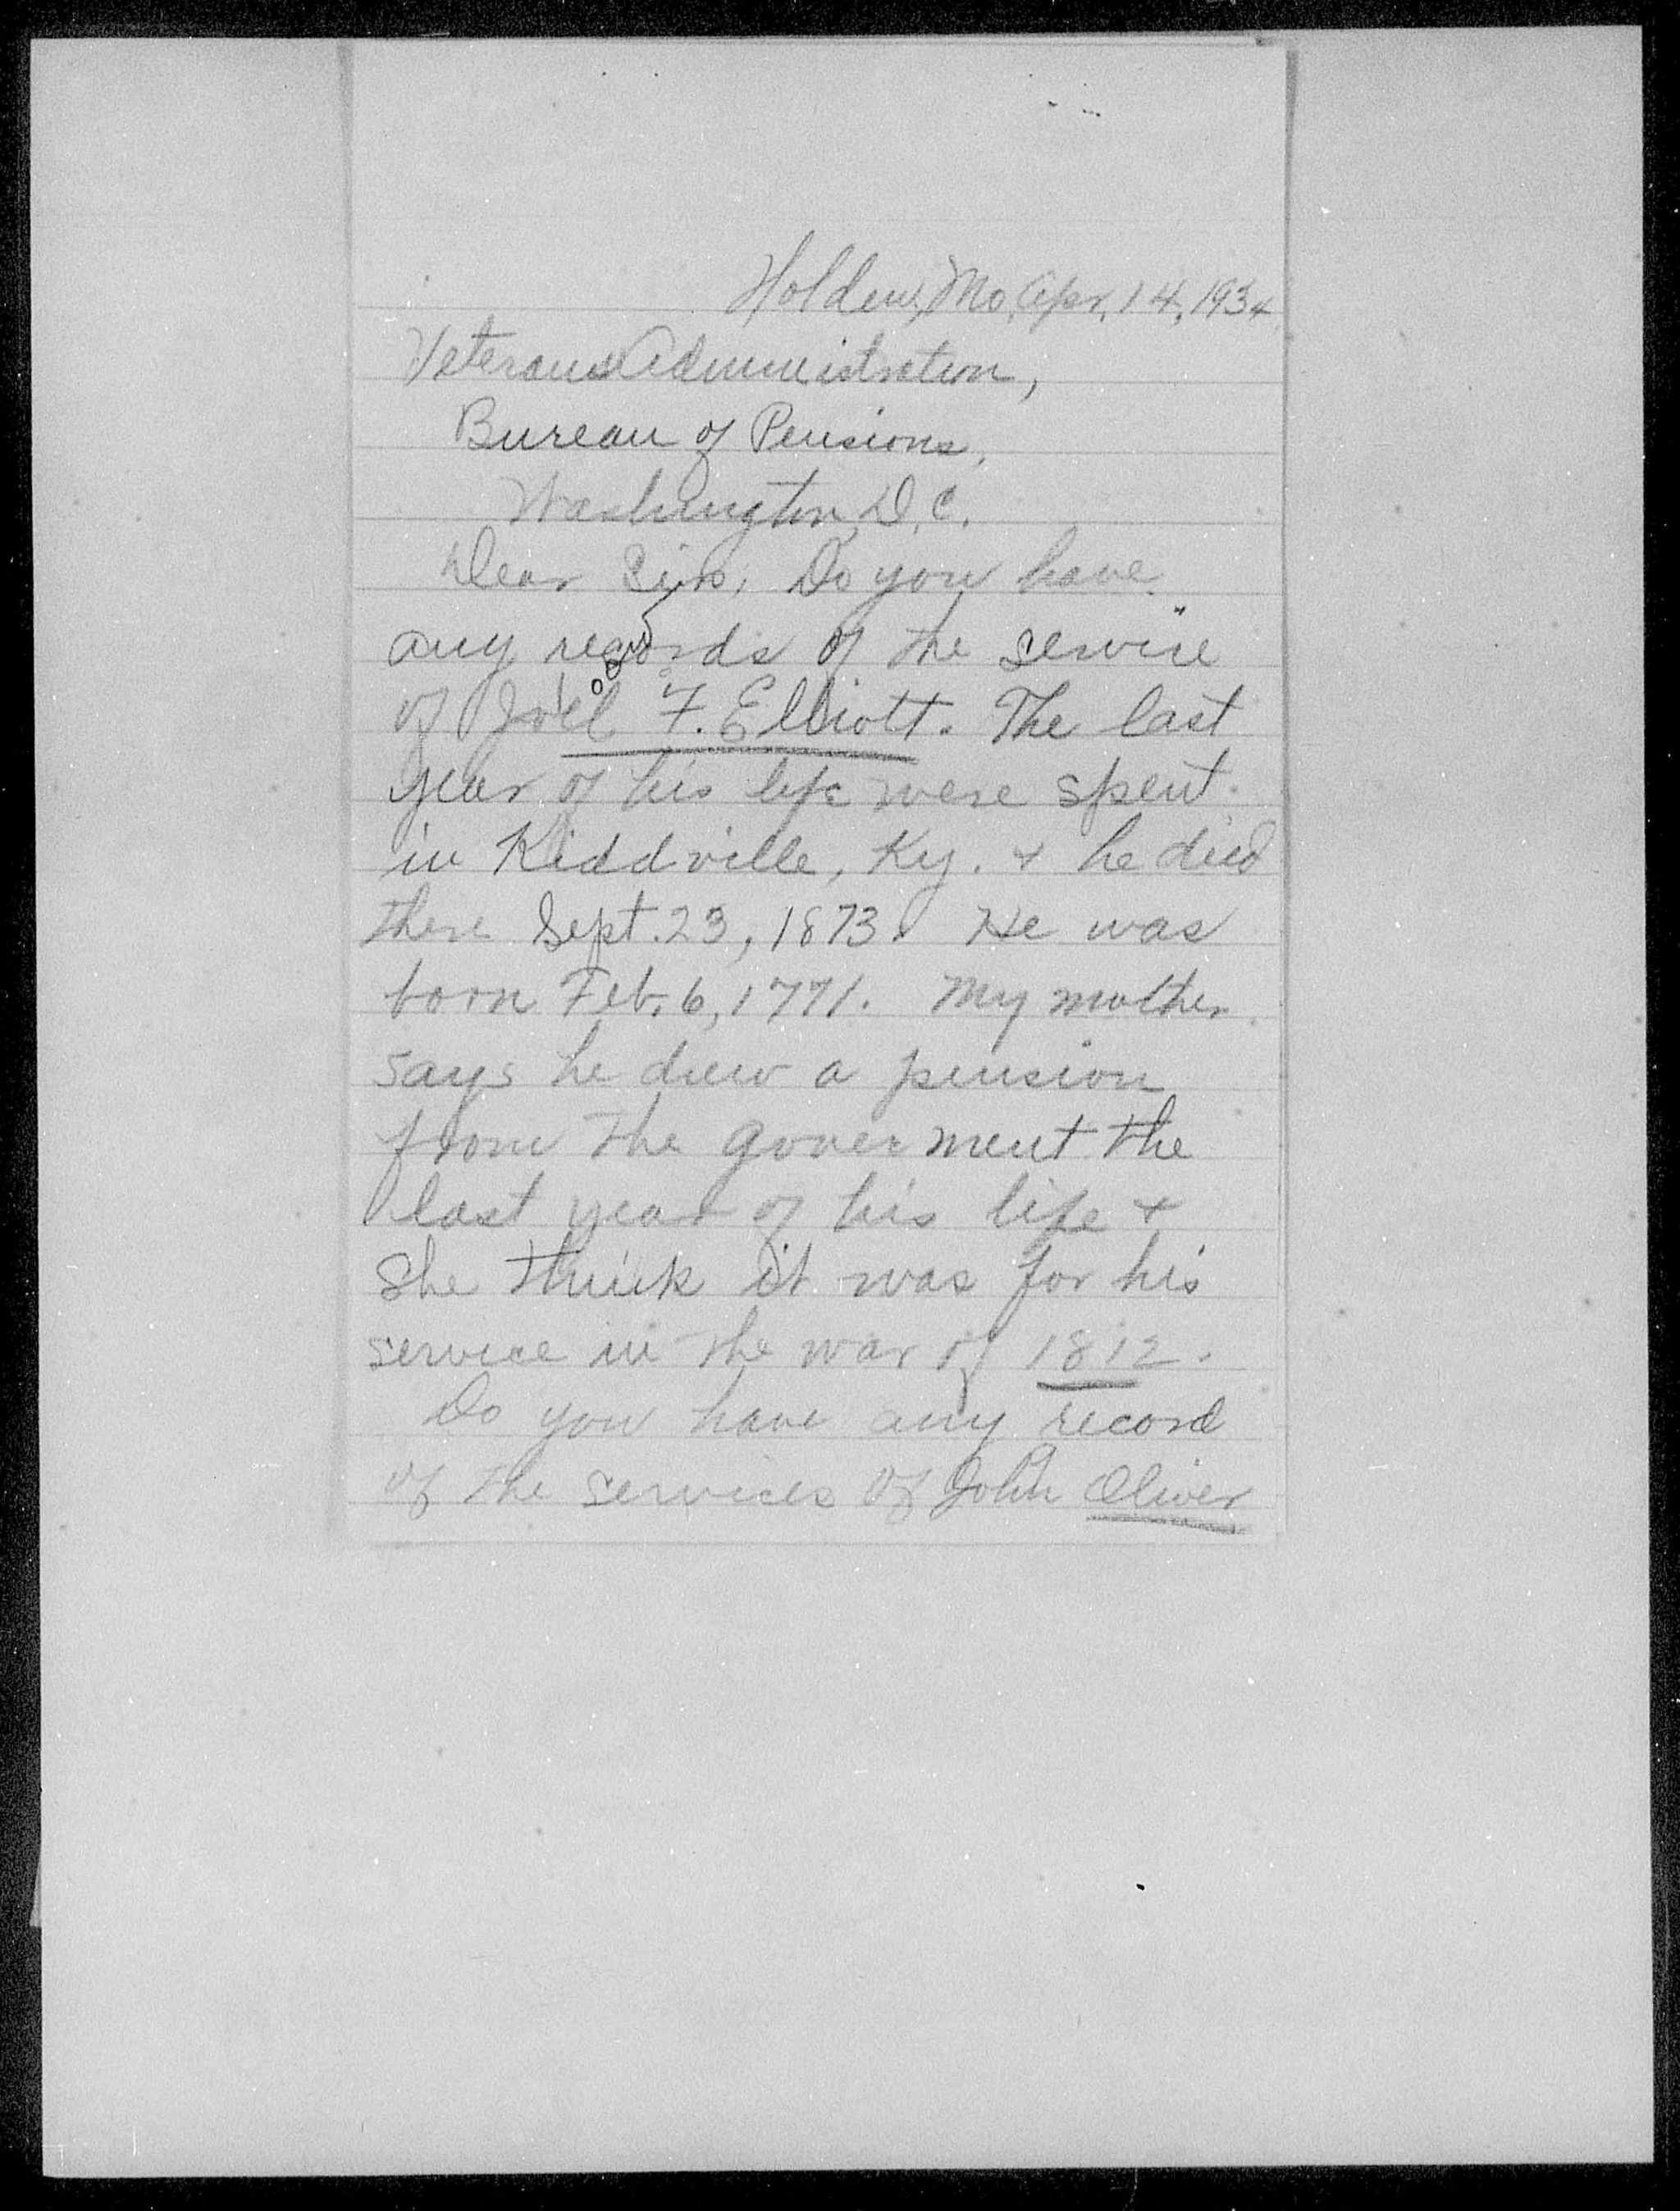Holden, Mo, Apr. 14, 1934
Veterans Administration
Bureau of Pensions
Washington, D.C.
Dear Sir,  Do you have any records of the service of Joel F. Elliott.  The last year of his life was spent in Kiddville, Ky, & he died there Sept. 23, 1873.  He was born Feb. 6, 1771.  My mother says he drew a pension from the government the last year of his life & she think it was for his service in the war of 1812.
     Do you have any record of the services of John Oliver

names: John Oliver; Joel F Elliott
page: 23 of 32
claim: survivor's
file: S. 31888, for John Oliver, North Carolina